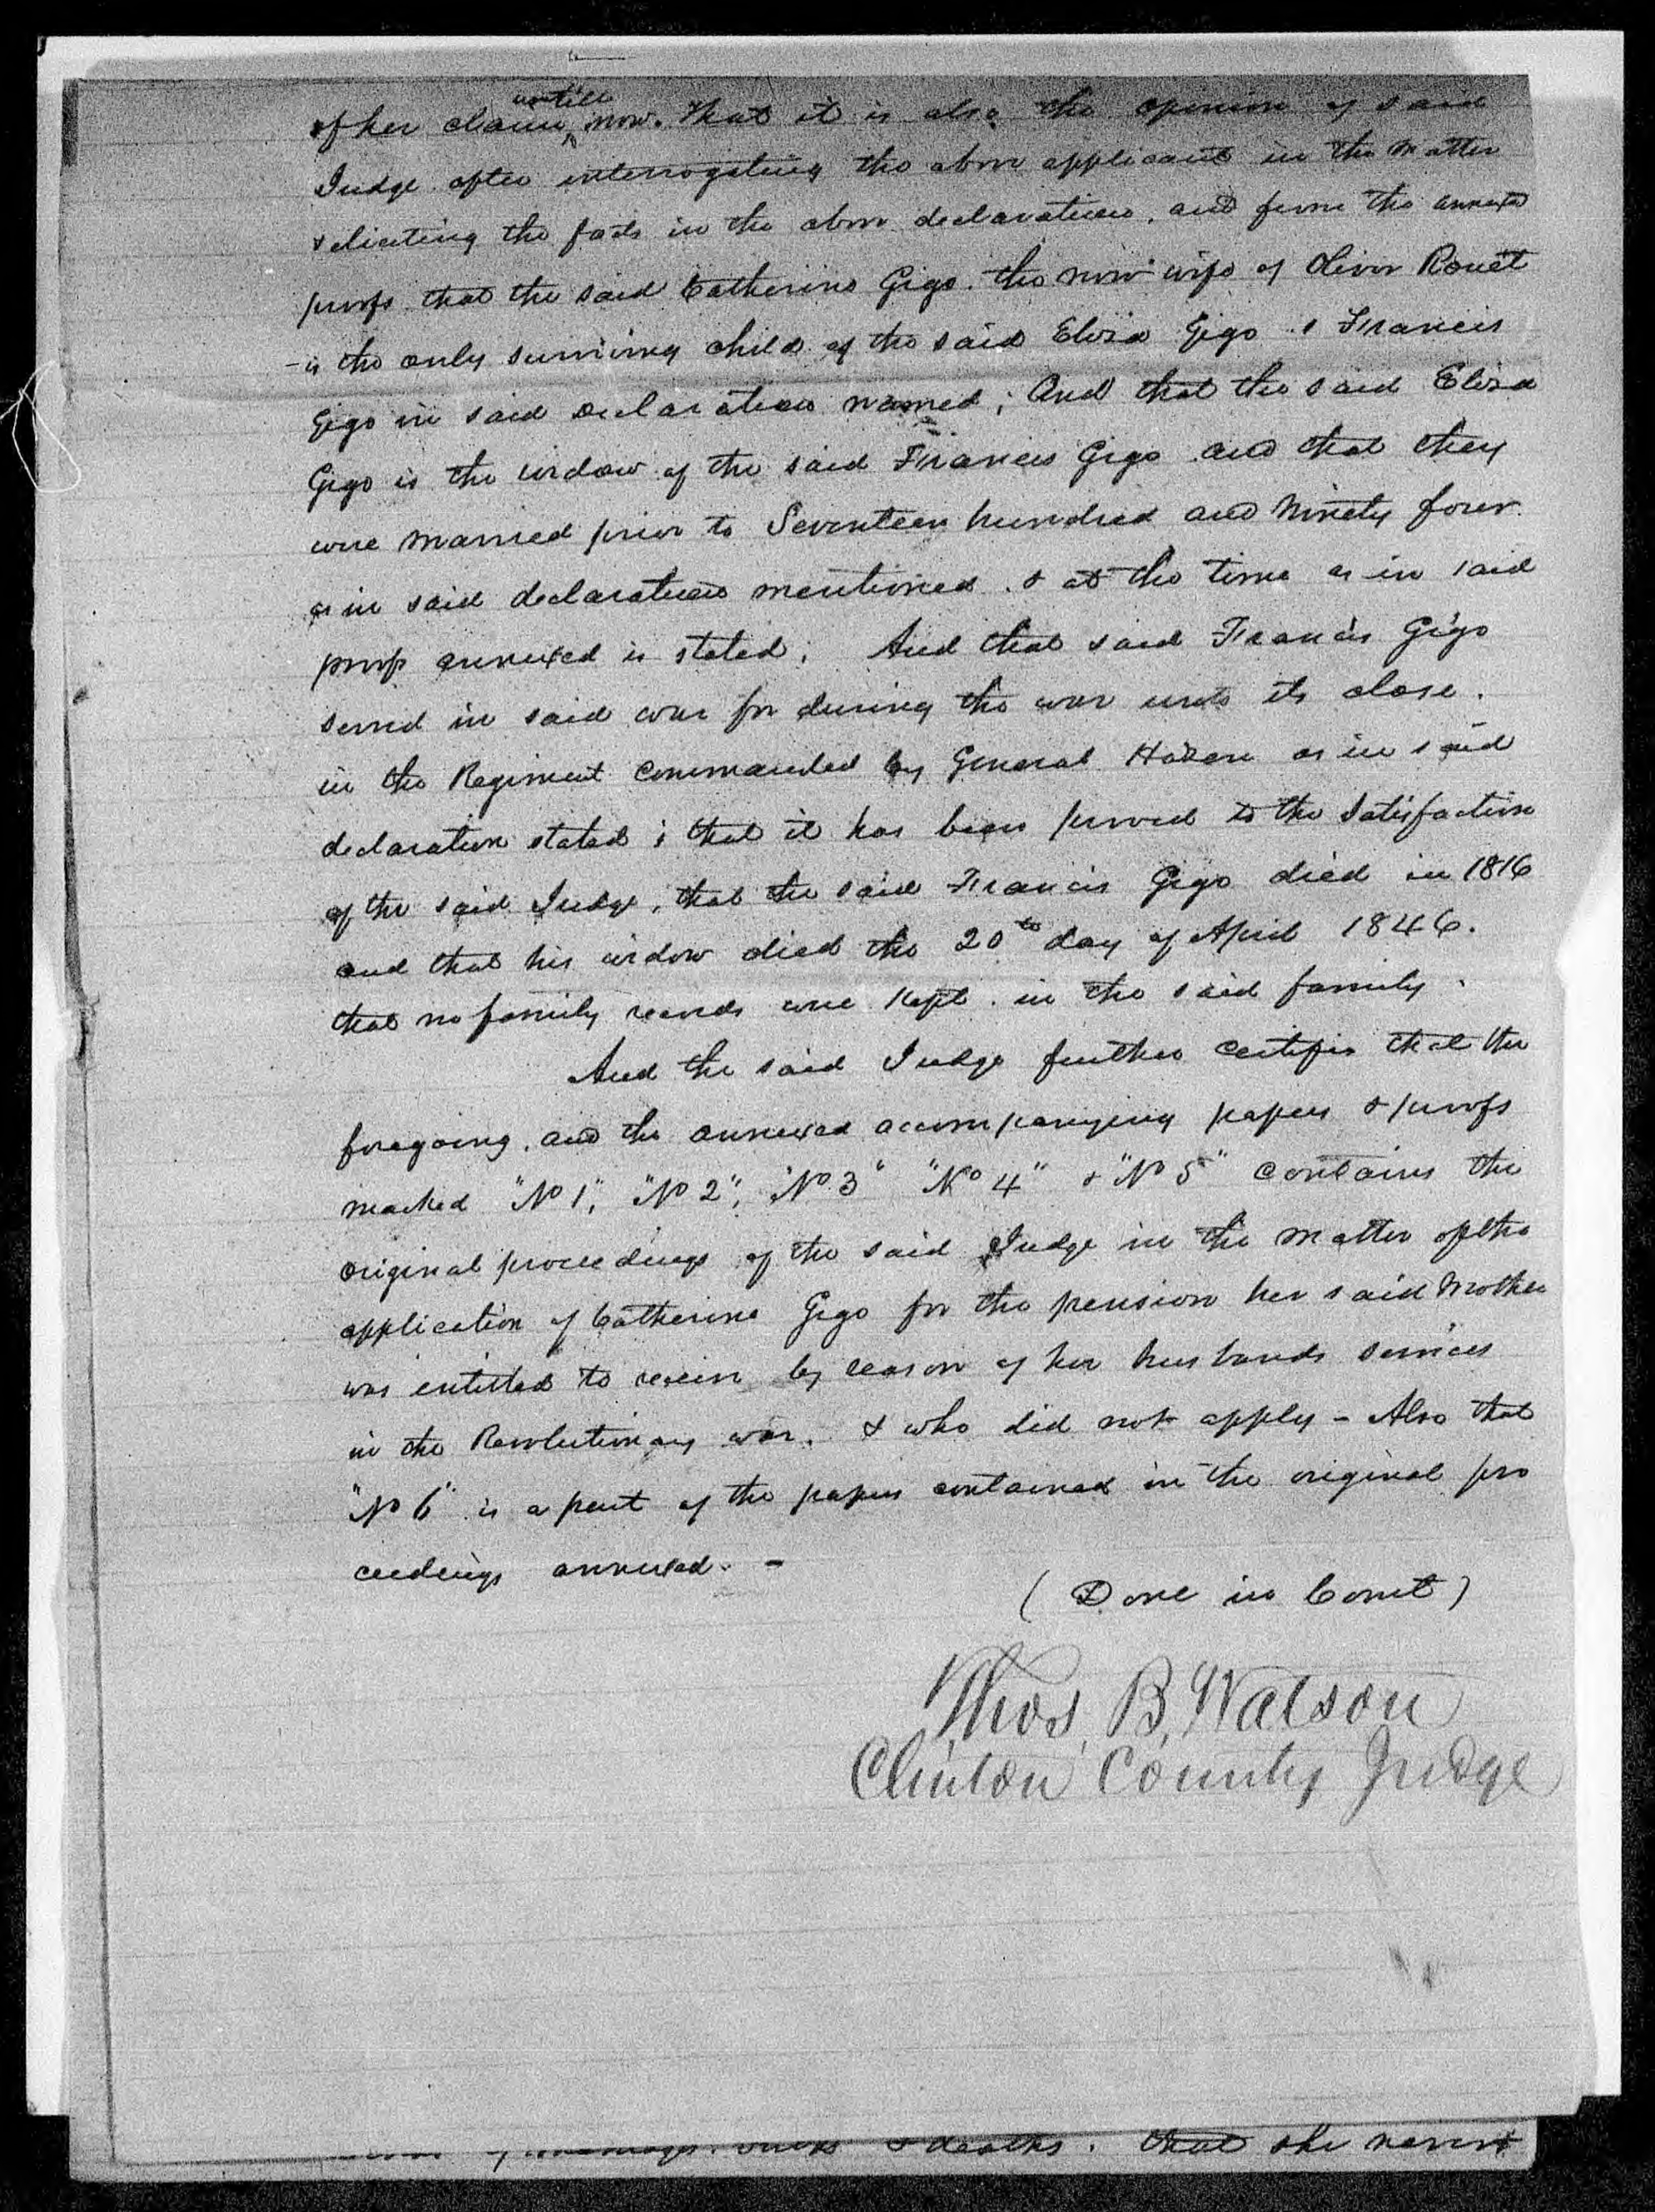of her claim untill  now That it is also the opinion of said Judge after interrogating the above applicant in the matter & eliciting the facts in the above declarations, and from the annexed proofs that the said Catherine Gigo, the now wife of Oliver Rouet - is the only surviving child of the said Eliza Gigo & Francis Gigo in said declaration named; And that the said Eliza Gigo is the widow of the said Francis Gigo, and that they were married prior to Seventeen hundred and ninety four as in said declaration mentioned & at this time is in said proof annexed as stated; And that said Francis Gigo served in said war for during the war unto its close, in the Regiment commanded by General Hazon as in said declaration stated; that it has been proved to the satisfaction of the said Judge, that the said Francis Gigo died in 1816 and that his widow died the 20th day of April 1846, that no family records were kept in the said family.
And the said Judge further certifies that the foregoing, and the annexed accompanying papers & proofs marked "No 1,""no 2" No 3,"
"No 4" & "No 5" contains the original proceedings of the said Judge in the matter of the application of Catherine Gigo for the pension her said mother was entitled to receive by reason of her husbands service in the Revolutionary war, & who did not apply - 
Also that "No 6" is a part of the papers contained in the original proceedings annexed. -(Done in Court)
Thos. B. Watson
Clinton County Judge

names: Thos B Watson, Francis Gigo, Catherine Gigo, Francis Gigo, Francis Gigo, Eliza Gigo, Catherine Gigo, Francis Gigo, Hazen, Eliza Gigo, Oliver Rouet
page: 14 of 98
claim: widow's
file: W. 21182, Francis Gigo, Continental (Canadian)